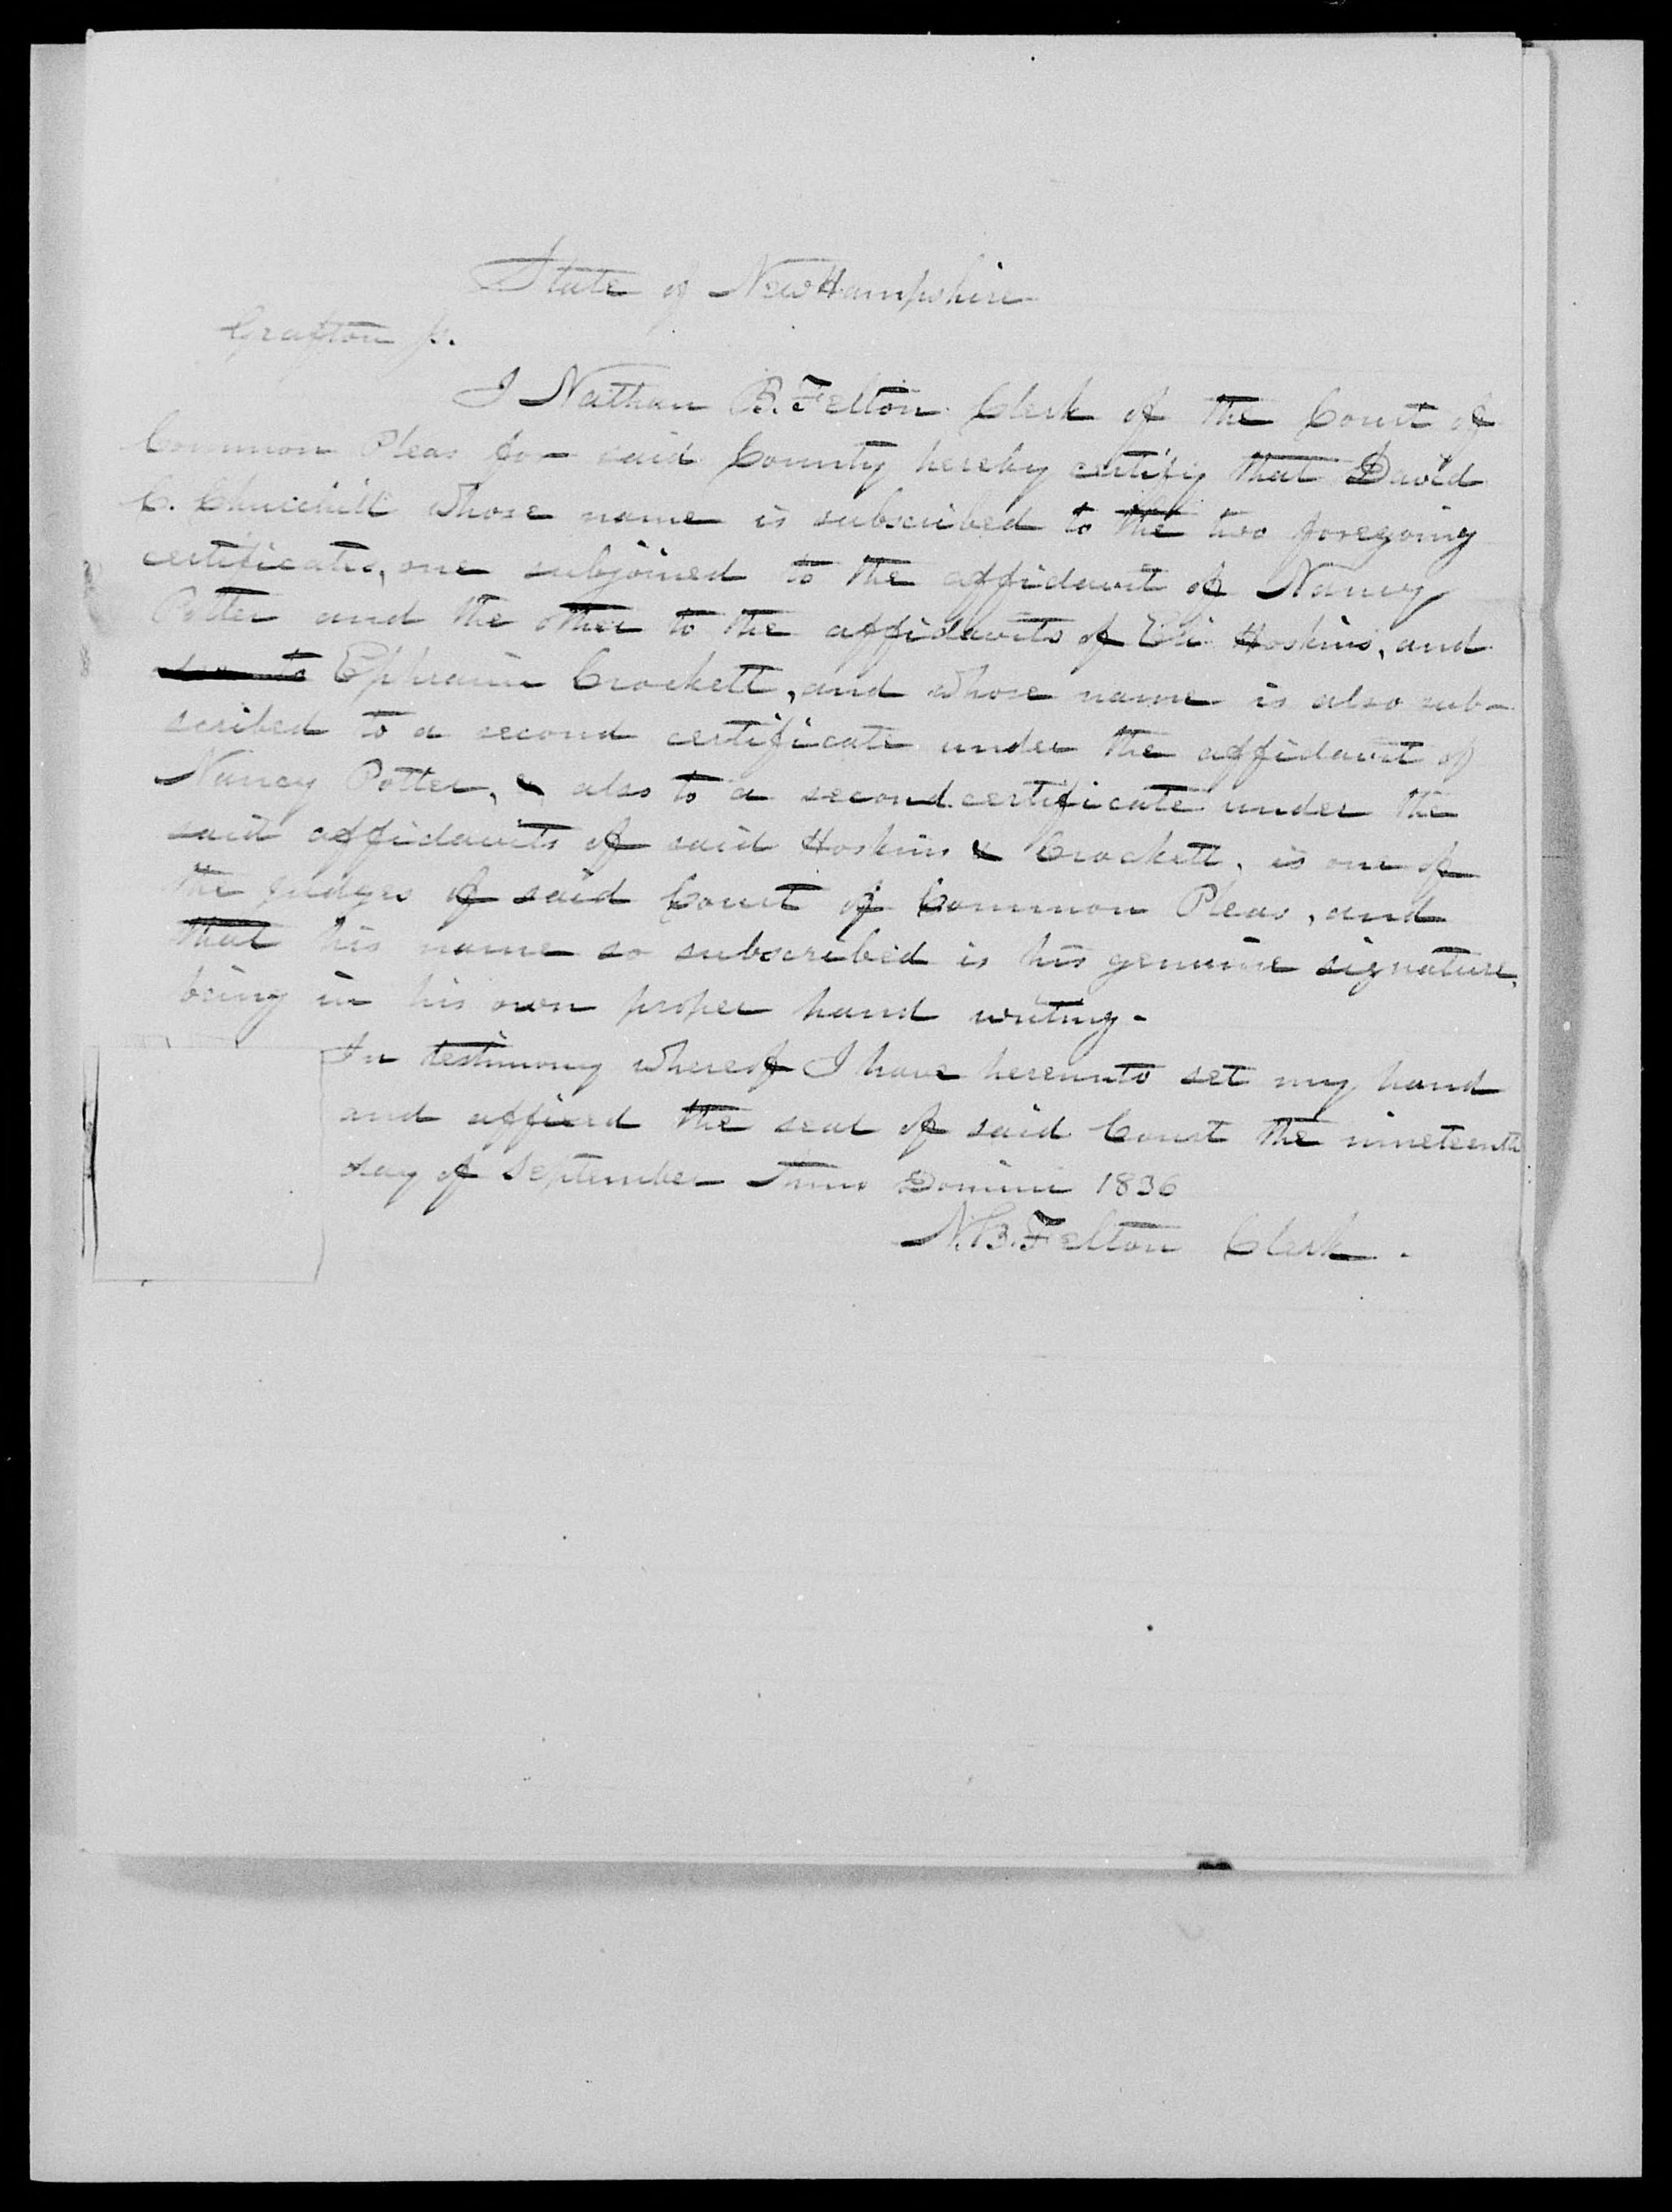State of New Hampshire
Grafton Cty

I Nathan B. Felton Clerk of the Court of Common Pleas for said County hereby certify that  David C. Churchill whose name is subscribed to the two foregoing certificates, one subjoined to the affidavit of Nancy Potter and the other to the affidavits of Eli Haskins and Ephraim Crockett, and the whose name is also subscribed to a second certificate under the affidavit of Nancy Potter, also to a second certificate under the said affidavits of said Hoskins and Crockett,  is one of the judges of said Court of Common Pleas, and that his name so subscribed is his genuine signature being in his own proper hand writing.

                                     In testimony whereof I have hereunto set my hand and
                                     affixed the seal of the said Court the nineteenth day of 
                                     September   Anno Domini 1836
                                                            N. B. Felton, Clerk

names: Nathan B Felton; Nancy Potter; David C Churchill; Ephraim Crockett; Eli Haskins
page: 8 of 40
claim: widow's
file: W. 16058, for George Potter, Rhode Island